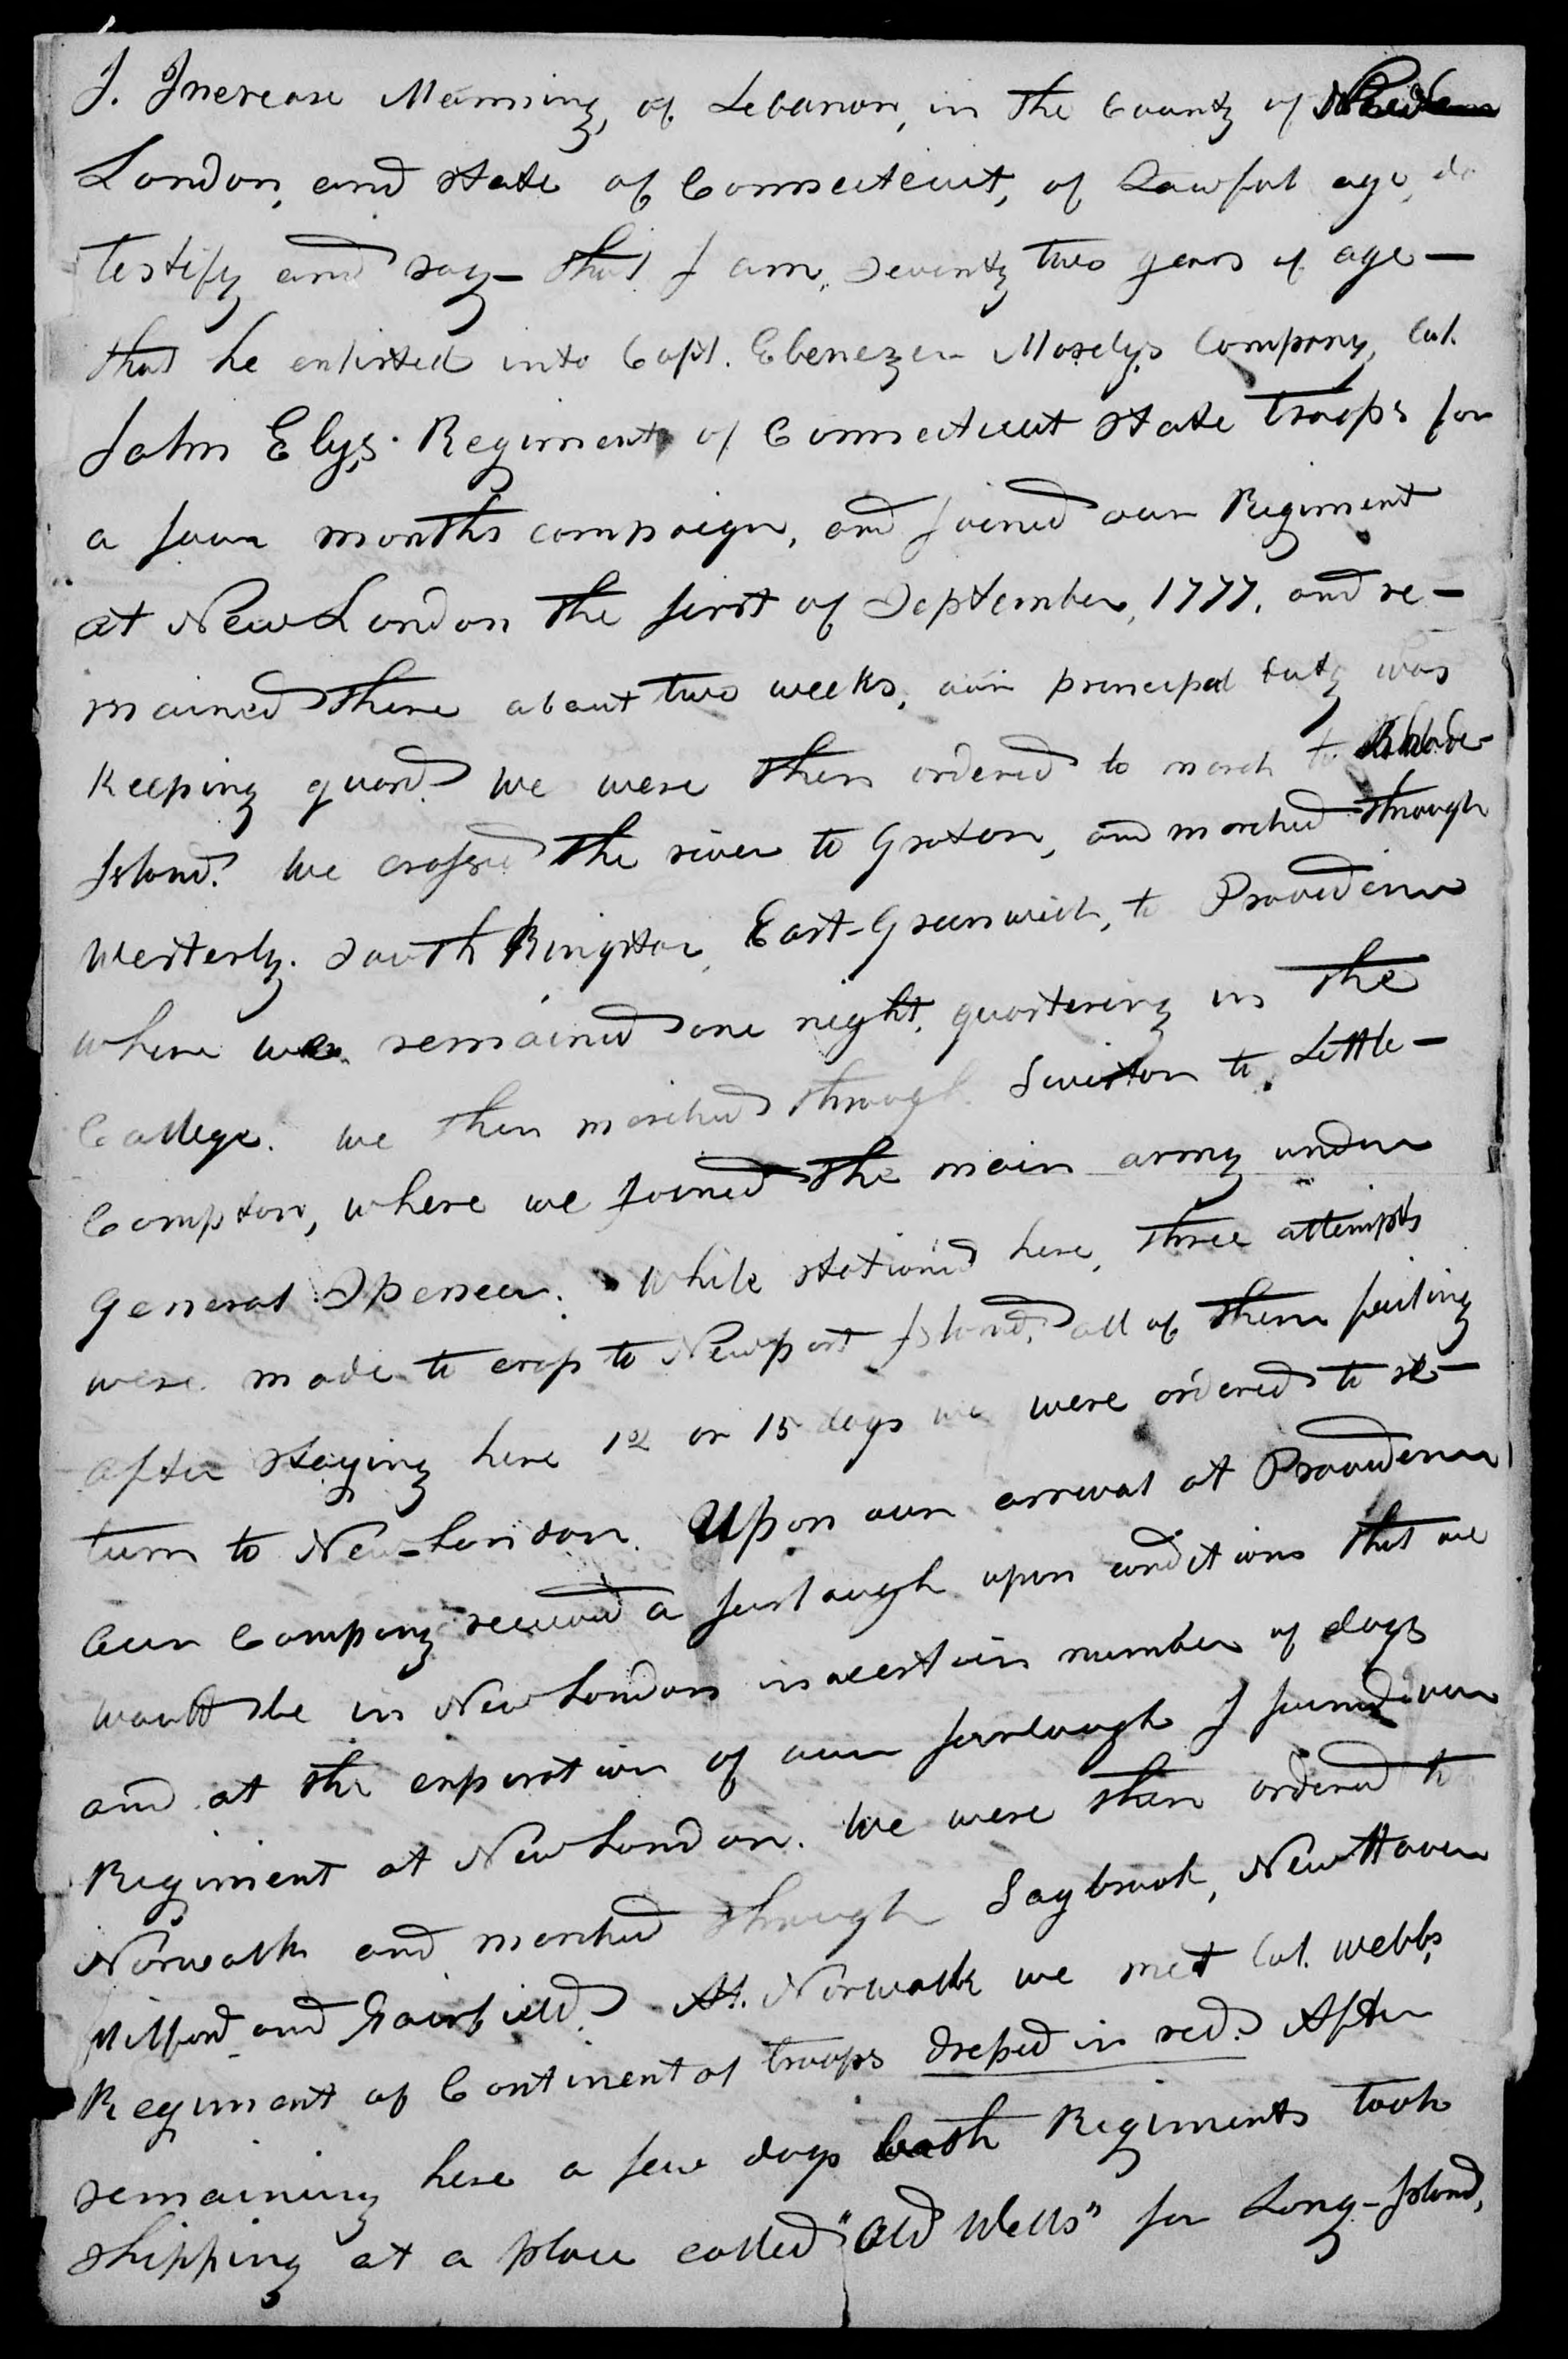I, Increase Manning, of Lebanon, in the county of New London, and State of Connecticut, of lawful age, do testify and say--that I am seventy two years of age--that he enlisted into Capt Ebenezer Mosely's Company, Col. John Elys Regiment of Connecticut State Troops for a four months campaign, and joined our Regiment at New London the first of September 1777 and remained there about two weeks, and principal duty was keeping guard. We were then ordered to march to [illegible] Island. We crossed the river to Groton, and marched through Westerly South Kingston, Eastly [illegible] to Providence where we remained one night quartering in the College. we then marched through Switon to Little Compton, where we joined the main army under General Spencer. While stationed here, three attempts were made to [illegible] to Newport Island, all of them failing after staying here 12 or 15 days we were ordered to return to New London.  Upon our arrival at Providence, our company received a furlough upon [illegible] in New London [illegible] in number of days and at the [illegible] of our furlough I found our Regiment at New London. Were were then ordered to Norwalk and marched through Saybrook, New Haven Milford and [illegible]. At Norwalk we met Col. Webbs Regiment of Continental troops dressed in red. ["dressed in red" underlined] After remaining here a few days both Regiments took shipping at a place called "Old Wells" for Long-Island,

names: Increase Manning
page: 11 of 13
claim: survivor's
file: S. 18451, Dudley Hovey, Conn.